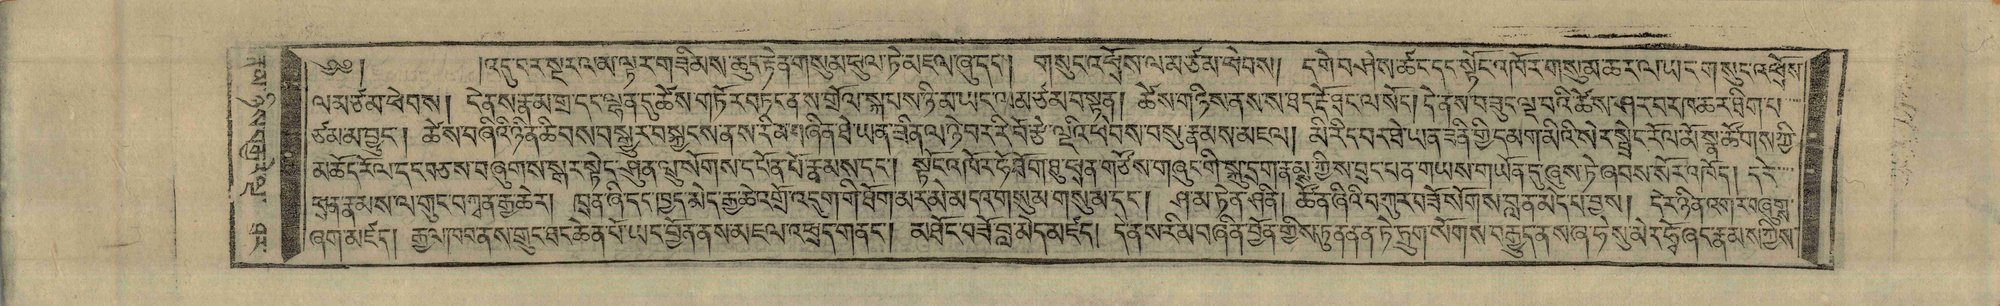༄༅། །འདུ་བར་སྔར་ལམ་ལྟར་གཟིམས་ཆུང་རྟེན་གསུམ་ཕུལ་ཏེ་མཇལ་ཞུ་དང་། གསུང་འཕྲོས་ལམ་ཙམ་ཕེབས། དགེ་བཤེས་ཚང་དང་སྟོང་འཁོར་གསུམ་ཆར་ལ་ཡང་གསུང་འཕྲོས་
ལམ་ཙམ་ཕེབས། དེ་ནས་རྣམ་གྲ་དང་ལྷན་དུ་ཚེས་གཏོར་བཏང་ནས་གྲོལ་སྐབས་ཉི་མ་ཡང་ལམ་ཙམ་བསྟན། ཚེས་གཉིས་ནས་ས་ཐང་རྡོ་ཐང་ལ་སོང་། དེ་ནས་བཟུང་ལྔ་བའི་ཚེས་ཤར་བར་ཁ་ཆར་ཐིག་པ་
ཙམ་མ་བྱུང་། ཚེས་བཞིའི་ཉིན་ཆིབས་བསྒྱུར་བསྐྱངས་ནས་རིམ་བཞིན་ཐེ་ཡན་ཟིན་ལ་ཉེ་བར་རི་བོ་རྩེ་ལྔའི་ཕེབས་བསུ་རྣམས་མཇལ། མི་རིང་བར་ཐེ་ཡན་ཟིན་གྱི་དམག་མིའི་སེར་སྦྲེང་རོལ་མོ་སྣ་ཚོགས་ཀྱི་
མཆོད་རོལ་དང་བཅས་བཞུགས་སྒར་སྟེང་ཤུན་ཝུ་སོགས་དཔོན་པོ་རྣམས་དང་། སྟོང་འཁོར་ཧོ་ཐོག་ཐུ་ཕྲན་གཙོས་གཞུང་གི་སྐུ་དྲག་རྣམས་ཀྱིས་བྲང་པན་གཡས་གཡོན་དུ་ཞུས་ཏེ་ཞབས་སོར་འཁོད། དེར་
ཕྲན་རྣམས་ལ་གུང་བཀྭན་རྒྱ་ཆེར། ཁྲན་ཞི་དང་ཁྱད་མེད་རྒྱ་ཆེ་འགྲོ་འདུག་གི་ཐོག་མར་མེ་མདའ་གསུམ་གསུམ་དང་། ཤ་མ་ཏེན་ཤིན། ཚོན་ཞིའི་བཀུར་བཟོ་སོགས་བླ་ན་མེད་པ་བྱས། དེར་ཉིན་འགར་བཞུགས་
ཞག་མཛད། རྒྱལ་ཁབ་ནས་གྲུང་ཐང་ཆེན་པོ་ཡང་བྱོན་ནས་མཇལ་འཕྲད་གནང་། མཐོང་བཟོ་བླ་མེད་མཛད། དེ་ནས་རིམ་བཞིན་བྱོན་གྱིས་ཏུན་ནན་ཏེ་ཏྲུག་སོགས་བརྒྱུད་ནས་ཞ་ཧེ་སུ་མེར་ཧྭོ་ཞང་རྣམས་ཀྱིས་